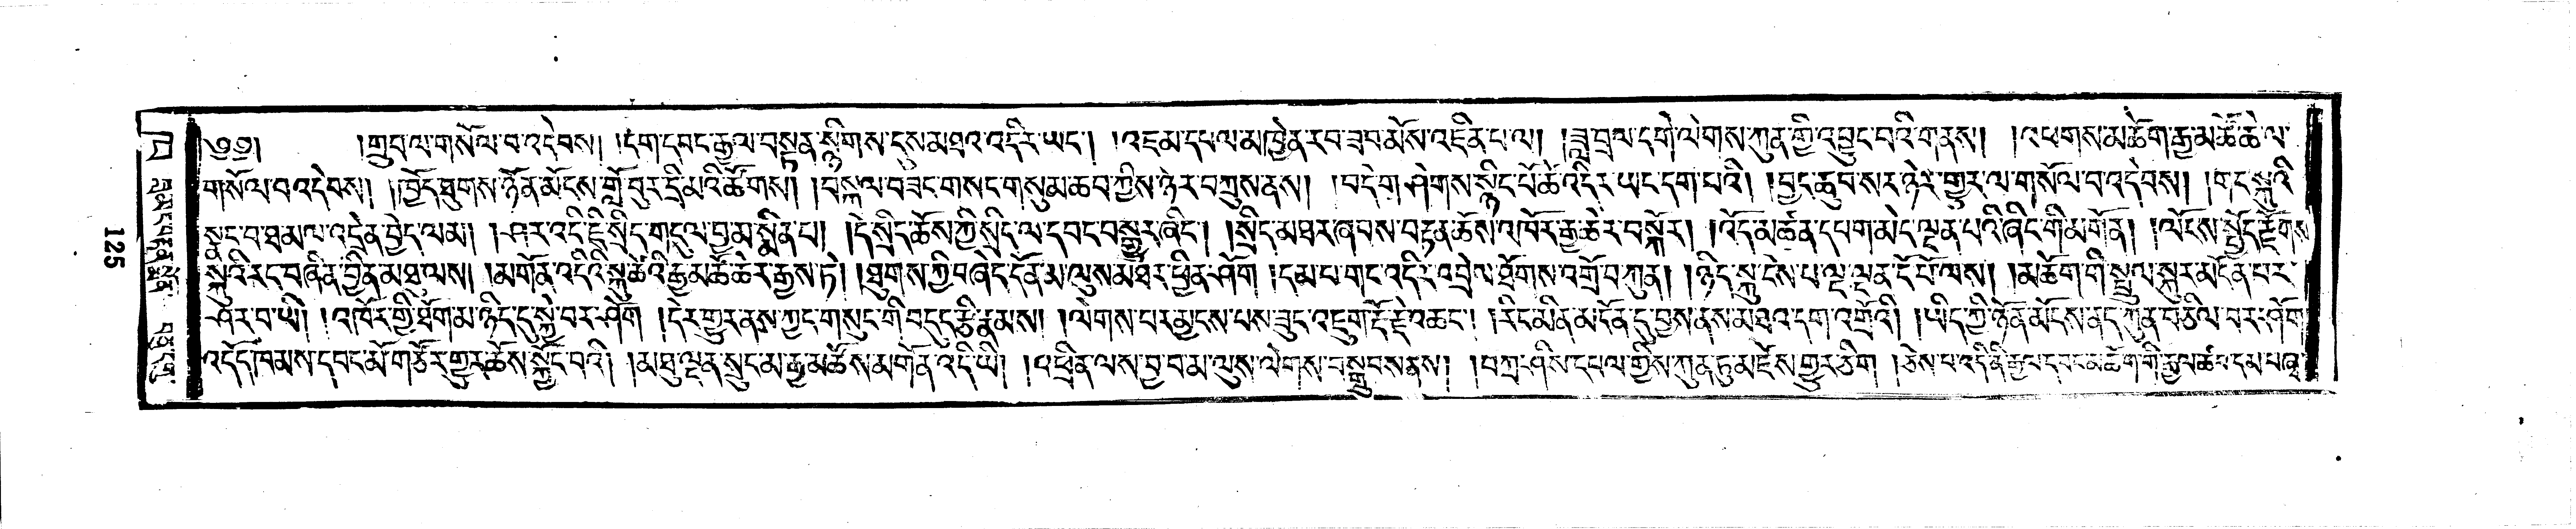༄༅། །གྲུབ་ལ་གསོལ་བ་འདེབས། །དག་དབང་རྒྱལ་བསྟན་སྙིགས་དུས་མཐའ་འདིར་ཡང་། །འཇམ་དཔལ་མཁྱེན་རབ་ཟབ་མོས་འཛིན་པ་ལ། །ཟླ་བྲལ་དགེ་ལེགས་ཀུན་གྱི་འབྱུང་བའི་གནས། །འཕགས་མཆོག་རྒྱ་མཚོ་ཆེ་ལ་
གསོལ་བ་འདེབས། །ཁྱོད་ཐུགས་ཉོན་མོངས་གློ་བུར་དྲི་མའི་ཚོགས། །བསྐལ་བཟང་གསང་གསུམ་ཆབ་ཀྱིས་ཉེར་བཀྲུས་ནས། །བདེ་གཤེགས་སྙིང་པོ་ཚེ་འདིར་ཡང་དག་པའི། །བྱང་ཆུབ་སར་ཉེར་གྱུར་ལ་གསོལ་བ་འདེབས། །གང་སྐུའི་
སྣང་བ་ཐ་མལ་འདྲེན་བྱེད་ལམ། །ཤར་འདི་ཇི་སྲིད་གདུལ་བྱ་མ་སྨིན་པ། །དེ་སྲིད་ཆོས་ཀྱི་སྲིད་ལ་དབང་བསྒྱུར་ཞིང་། །སྲིད་མཐར་ཞབས་བརྟན་ཆོས་འཁོར་རྒྱ་ཆེར་བསྐོར། །འོད་མཚན་དཔག་མེད་ལྔན་པའི་ཞིང་གི་མགོན། །ལོངས་སྤྱོད་རྫོགས་
སྐུའི་རང་བཞིན་བྱིན་མཐུ་ལས། །མགོན་འདིའི་སྐུ་ཚེའི་རྒྱ་མཚོ་ཆེར་རྒྱས་ཏེ། །ཐུགས་ཀྱི་བཞེད་དོན་མ་ལུས་མཐར་ཕྱིན་ཤོག །དམ་པ་གང་འདིར་འབྲེལ་ཐོགས་འགྲོ་བ་ཀུན། །ཉིད་སྐུ་ངེས་པ་ལྔ་ལྡན་ངོ་པོ་ལས། །མཆོག་གི་སྤྲུལ་སྐུར་མངོན་པར་
ཤར་བ་ཡི། །འཁོར་གྱི་ཐོག་མ་ཉིད་དུ་སྐྱེ་བར་ཤོག །དེར་གྱུར་ནས་ཀྱང་གསུང་གི་བདུད་རྩི་རྣམས། །ལེགས་པར་མྱངས་པས་ཟུང་འཇུག་རྡོ་རྗེ་འཆང་། །རིང་མིན་མངོན་དུ་བྱས་ནས་མཐའ་དག་འགྲོའི། །ཡིད་ཀྱི་ཉོན་མོངས་ནད་ཀུན་བཅིལ་བར་ཤོག་
འདོད་ཁམས་དབང་མོ་གཙོར་གྱུར་ཆོས་སྐྱོད་བའི། །མཐུ་ལྡན་སྲུང་མ་རྒྱ་མཚོས་མགོན་འདི་ཡི། །འཕྲིན་ལས་བྱ་བ་མ་ལུས་ལེགས་བསྒྲུབས་ནས། །བཀྲ་ཤིས་དཔལ་གྱིས་ཀུན་ཏུ་མཛེས་གྱུར་ཅིག །ཅེས་པ་འདི་ནི་རྒྱལ་དབང་མཆོག་གི་རྒྱལ་ཚབ་དམ་བཞྭ་